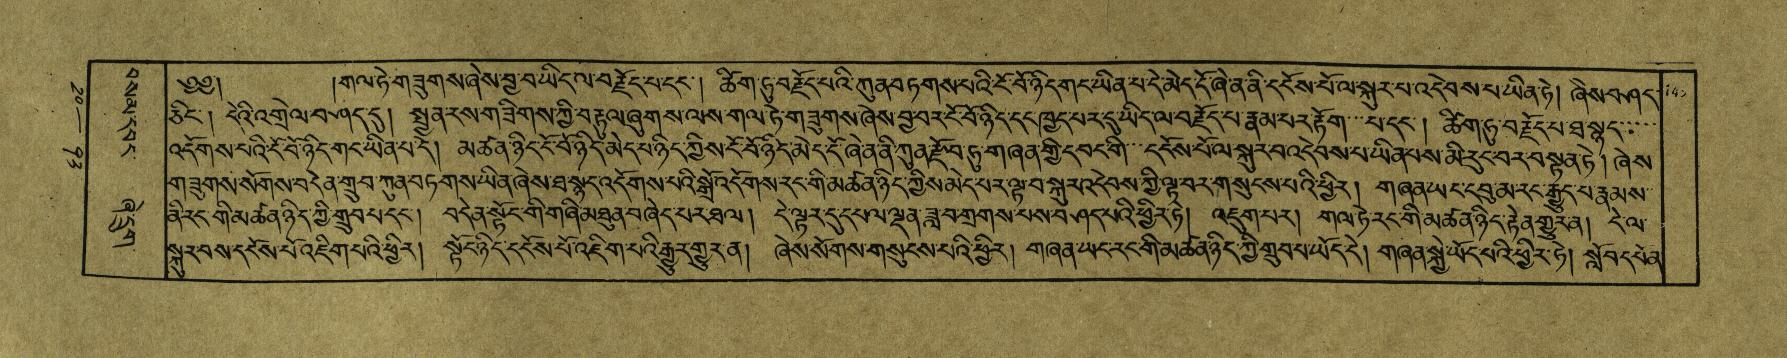༄༅། །གལ་ཏེ་གཟུགས་ཞེས་བྱ་བ་ཡིད་ལ་བརྗོད་པ་དང་། ཚིག་ཏུ་བརྗོད་པའི་ཀུན་བཏགས་པའི་ངོ་བོ་ཉིད་གང་ཡིན་པ་དེ་མེད་དོ་ཞེ་ན་ནི་དངོས་པོ་ལ་སྐུར་པ་འདེབས་པ་ཡིན་ཏེ། ཞེས་བཤད་
ཅིང་། དེའི་འགྲེལ་བཤད་དུ། སྤྱན་རས་གཟིགས་ཀྱི་བརྟུལ་ཞུགས་ལས་གལ་ཏེ་གཟུགས་ཞེས་བྱ་བར་ངོ་བོ་ཉིད་དང་ཁྱད་པར་དུ་ཡིད་ལ་བརྗོད་པ་རྣམ་པར་རྟོག་པ་དང་། ཚིག་ཏུ་བརྗོད་པ་ཐ་སྙད་
འདོགས་པའི་ངོ་བོ་ཉིད་གང་ཡིན་པ་དེ། མཚན་ཉིད་ངོ་བོ་ཉིད་མེད་པ་ཉིད་ཀྱིས་ངོ་བོ་ཉིད་མེད་དོ་ཞེ་ན་ནི་ཀུན་རྫོབ་ཏུ་གཞན་གྱི་དབང་གི་དངོས་པོ་ལ་སྐུར་བ་འདེབས་པ་ཡིན་པས་མི་རུང་བར་བསྟན་ཏེ། ཞེས་
གཟུགས་སོགས་བདེན་གྲུབ་ཀུན་བཏགས་ཡིན་ཞེས་ཐ་སྙད་འདོགས་པའི་སྒྲོ་འདོགས་རང་གི་མཚན་ཉིད་ཀྱིས་མེད་པར་ལྟ་བ་སྐུར་འདེབས་ཀྱི་ལྟ་བར་གསུངས་པའི་ཕྱིར། གཞན་ཡང་དབུ་མ་རང་རྒྱུད་པ་རྣམས་
ནི་རང་གི་མཚན་ཉིད་ཀྱི་གྲུབ་པ་དང་། བདེན་སྟོང་གི་གཞི་མཐུན་བཞེད་པར་ཐལ། དེ་ལྟར་དུ་དཔལ་ལྡན་ཟླ་བ་གྲགས་པས་བཤད་པའི་ཕྱིར་ཏེ། འཇུག་པར། གལ་ཏེ་རང་གི་མཚན་ཉིད་རྟེན་གྱུར་ན། དེ་ལ་
སྐུར་བས་དངོས་པོ་འཇིག་པའི་ཕྱིར། སྟོང་ཉིད་དངོས་པོ་འཇིག་པའི་རྒྱུར་གྱུར་ན། ཞེས་སོགས་གསུངས་པའི་ཕྱིར། གཞན་ཡང་རང་གི་མཚན་ཉིད་ཀྱི་གྲུབ་པ་ཡོད་དེ། གཞན་སྐྱེ་ཡོད་པའི་ཕྱིར་ཏེ། སློབ་དཔོན་